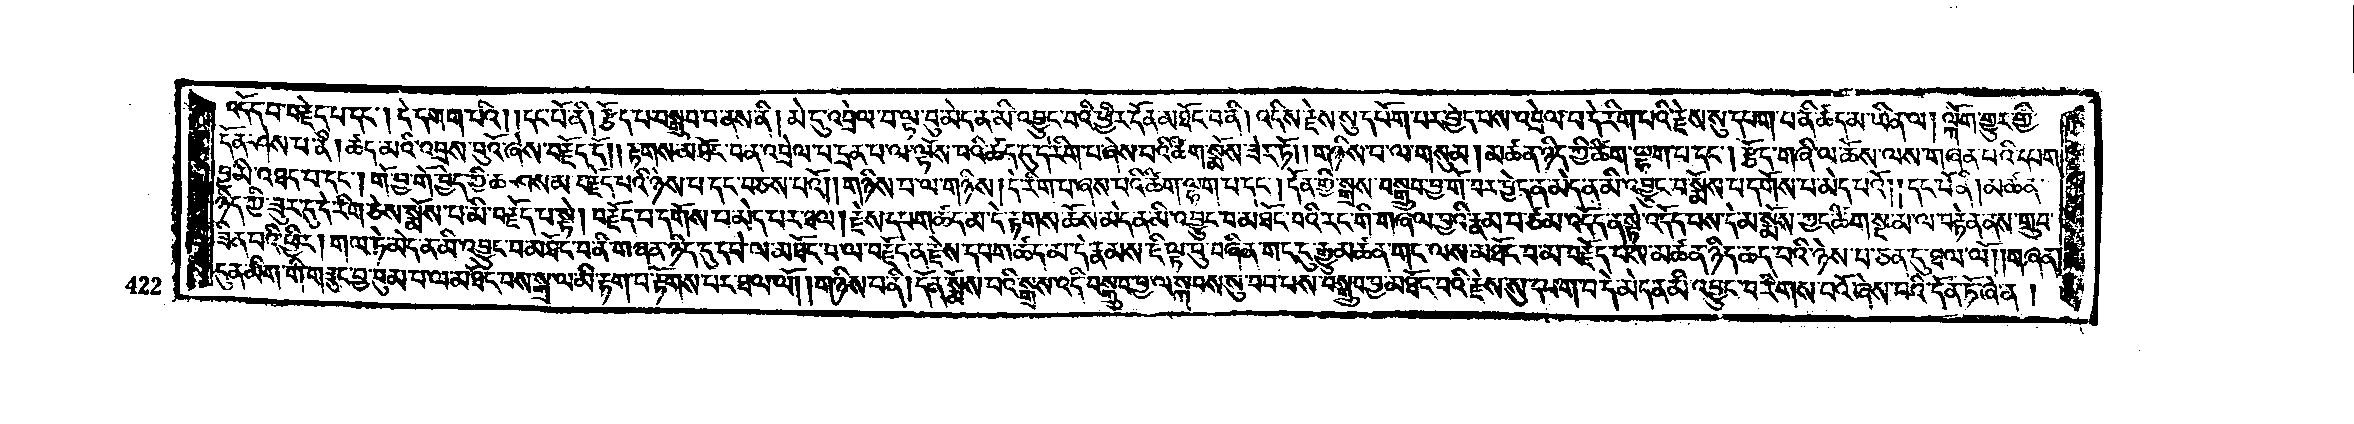འདོད་པ་བརྗེད་པ་དང་། དེ་དགག་པའི། །དང་པོ་ནི། རྩོད་པ་བསྒྲུབ་པ་ནས་ནི། མེ་དུ་འབྲེལ་བ་རླ་བུ་མེད་ན་མི་འབྱུང་བའི་ཕྱིར་དོན་མཐོང་བ་ནི། འདིས་རྗེས་སུ་དཔོག་པར་བྱེད་པས་འབྲེལ་བ་དེ་རིག་པའི་རྗེས་སུ་དཔག་པ་ནི་ཚད་མ་ཡིན་ལ། ལྐོག་གྱུར་གྱི་
དོན་ཤེས་པ་ནི། ཚད་མའི་འབྲས་བུའོ་ཞེས་བརྗོད་དོ། །རྟགས་མཐོང་བ་ན་འབྲེལ་པ་དྲན་པ་ལ་ལྟོས་པའི་ཚད་དུ་དེ་རིག་པ་ཞེས་པའི་ཚིག་སྨོས་ཟེར་ཏོ། །གཉིས་པ་ལ་གསུམ། མཚན་ཉིད་ཀྱི་ཚིག་ལྷག་པ་དང་། རྩོད་གཞི་ལ་ཆོས་ལས་གཞན་པའི་དཔག་
བྱ་མི་འཐད་པ་དང་། གོ་བྱ་གོ་བྱེད་ཀྱི་ཆ་ཤས་མ་བརྗོད་པའི་ཉེས་པ་དང་བཅས་པའོ། །གཉིས་པ་ལ་གཉིས། དེ་རིག་པ་ཞས་པའི་ཚིག་ལྷག་པ་དང་། དོན་གྱི་སྒྲས་བསྒྲུབ་བྱ་གོ་བར་བྱེད་ན་མེད་ན་མི་འབྱུང་བ་སྨོས་པ་དགོས་པ་མེད་པའོ། །དང་པོ་ནི། མཚན་
ཉིད་ཀྱི་ཟུར་དུ་དེ་རིག་ཅེས་སྨོས་པ་མི་བརྗོད་པ་སྟེ། བརྗོད་པ་དགོས་པ་མེད་པར་ཐལ། རྗེས་དཔག་ཚད་མ་དེ་རྟགས་ཆོས་མེ་དན་མི་འབྱུང་བ་མཐོང་བའི་རང་གི་གཞལ་བྱའི་རྣམ་པ་ཙམ་འདོད་ན་སྟེ་འདོད་པས་དེ་མ་སྨོས་ཀྱང་ཚིག་སྔ་མ་ལ་བརྟེན་ནས་གྲུབ་
ཟིན་པའི་ཕྱིར། གལ་ཏེ་མེད་ན་མི་འབྱུང་བ་མཐོང་བ་ནི་གཞན་ཉིད་དུ་དཔེ་ལ་མཐོང་བ་ལ་བརྗོད་ན་རྗེས་དཔག་ཚད་མ་དེ་རྣམས་ཇི་ལྟ་བུ་བཞིན་གང་གུ་རྒྱུ་མཚན་གང་ལས་མཐོང་བ་མ་བརྗོད་པས་མཚན་ཉིད་ཆད་པའི་ཉེས་པ་ཅན་དུ་ཐལ་ལོ། །གཞན་
དུན་མིག་གི་གཟུང་བྱ་བུམ་པ་ལ་མཐོང་བས་སྒྲ་ལ་མི་རྟག་པ་རྟོགས་པར་ཐལ་ལོ། །གཉིས་པ་ནི། དོན་སྨོས་པའི་སྒྲས་འདི་བསྒྲུབ་བྱ་ལ་སྐབས་སུ་བབ་པས་བསྒྲུབ་བྱ་མཐོང་བའི་རྗེས་སུ་དཔག་པ་དེ་མེད་ན་མི་འབྱུང་བ་རིགས་པའོ་ཞེས་པའི་དོན་ཏོ་ཞེ་ན།